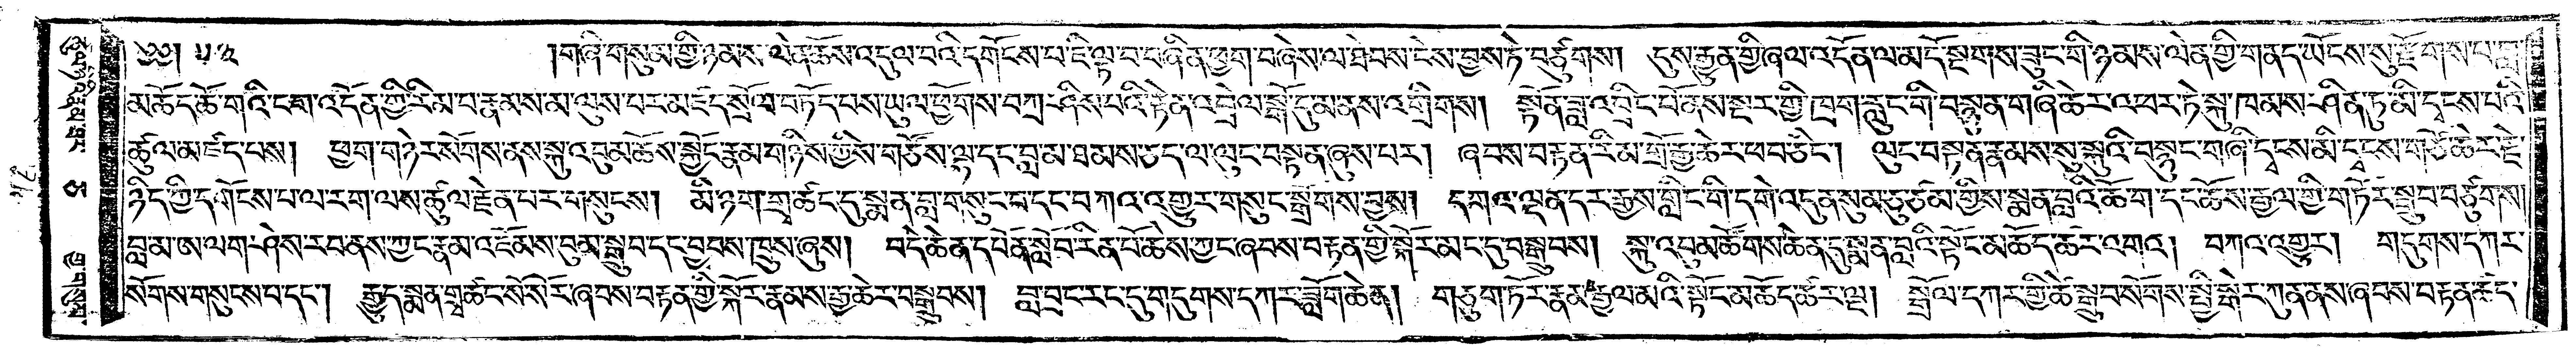༄༅། ༥༣་།གཞི་གསུམ་ཀྱི་ཉམས་ལེན་ཆོས་འདུལ་བའི་དགོངས་ཕ་ཇི་ལྟ་བ་བཞིན་ཕྱག་བཞེས་པ་འཐེབས་ངེས་བྱས་ཏེ་བཙུགས། དུས་རྒྱུན་གྱི་ཞལ་འདོན་ལ་མདོ་སྔགས་ཟུང་གི་ཉམས་ལེན་གྱི་གནང་ཡོངས་སུ་རྫོགས་པ་བླ་
མཆོད་ཆོ་གའི་ངག་འདོན་གྱི་རིམ་བ་རྣམས་མ་ལུས་བར་མཛད་སྲོལ་བཏོད་པས་ཡུལ་ཕྱོགས་བཀྲ་ཤིས་པའི་རྟེན་འབྲེལ་སྒོ་དུ་མ་ནས་འགྲིགས། སྟོན་ཟླ་འབྲིང་པོ་ནས་སྔར་གྱི་ཁྲག་རླུང་གི་བསྙུན་གཞི་ཆེར་འཕར་ཏེ་སྐུ་ཁམས་ཤིན་ཏུ་མི་དྭངས་པའི་
ཚུལ་མཛད་པས། ཕྱག་གཉེར་སོགས་ནས་སྐུ་འབུམ་ཆོས་སྐྱོང་རྣམ་གཉིས་ཀྱིས་གཙོས་ལྷ་དང་བླ་མ་ཐམས་ཅད་ལ་ལུང་བསྟན་ཞུས་བར། ཞབས་བརྟན་རིམ་གྲོ་རྒྱ་ཆེར་ཕབ་ཅིང་། ལུང་བསྟན་རྣམས་སུ་སྐུའི་བསྙུང་གཞི་དྭངས་མི་དྭངས་གཙོ་ཆེར་རྗེ་
ཉིད་ཀྱི་དགོངས་པ་ལ་རག་ལས་ཚུལ་རྗེན་པར་གསུངས། མི་ཉག་གྲྭ་ཚང་དུ་སྨན་བླ་གསུང་བ་དང་བཀའ་འགྱུར་གསུང་སྒྲོགས་བྱས། དགའ་ལྡན་དར་རྒྱས་གླིང་གི་དགེ་འདུན་སུམ་ཅུ་ཙམ་གྱིས་སྨན་བླའི་ཆོ་ག་དང་ཆོས་རྒྱལ་གྱི་གཏོར་སྒྲུབ་བཙུགས།
བླ་མ་ཨ་ལག་ཤེས་རབ་ནས་ཀྱང་རྣམ་འཛོམས་བུམ་སྒྲུབ་དང་བྱས་ཁྲུས་ཞུས། བདེ་ཆེན་དབོན་སློབ་རིན་པོ་ཆེས་ཀྱང་ཞབས་བརྟན་གྱི་སྐོར་མང་དུ་བསྒྲུབས། སྐུ་འབུམ་ཚོགས་ཆེན་དུ་སྨན་བླའི་སྟོང་མཆོད་ཚར་འགའ། བཀའ་འགྱུར། གདུགས་དཀར་
སོགས་གསུངས་བ་དང་། རྒྱུད་སྨན་གྲྭ་ཚང་སོ་སོར་ཞབས་བརྟན་གྱི་སྐོར་རྣམས་རྒྱ་ཆེར་བསྒྲུབས། བླ་བྲང་རང་དུ་གདུགས་དཀར་ཟློག་ཆེན། གཙུག་ཏོར་རྣམ་རྒྱལ་མའི་སྟོང་མཆོད་ཚར་ལྔ། སྒྲོལ་དཀར་གྱི་ཚེ་སྒྲུབ་སོགས་སྤྱི་སྒེར་ཀུན་ནས་ཞབས་བརྟན་ཚད་